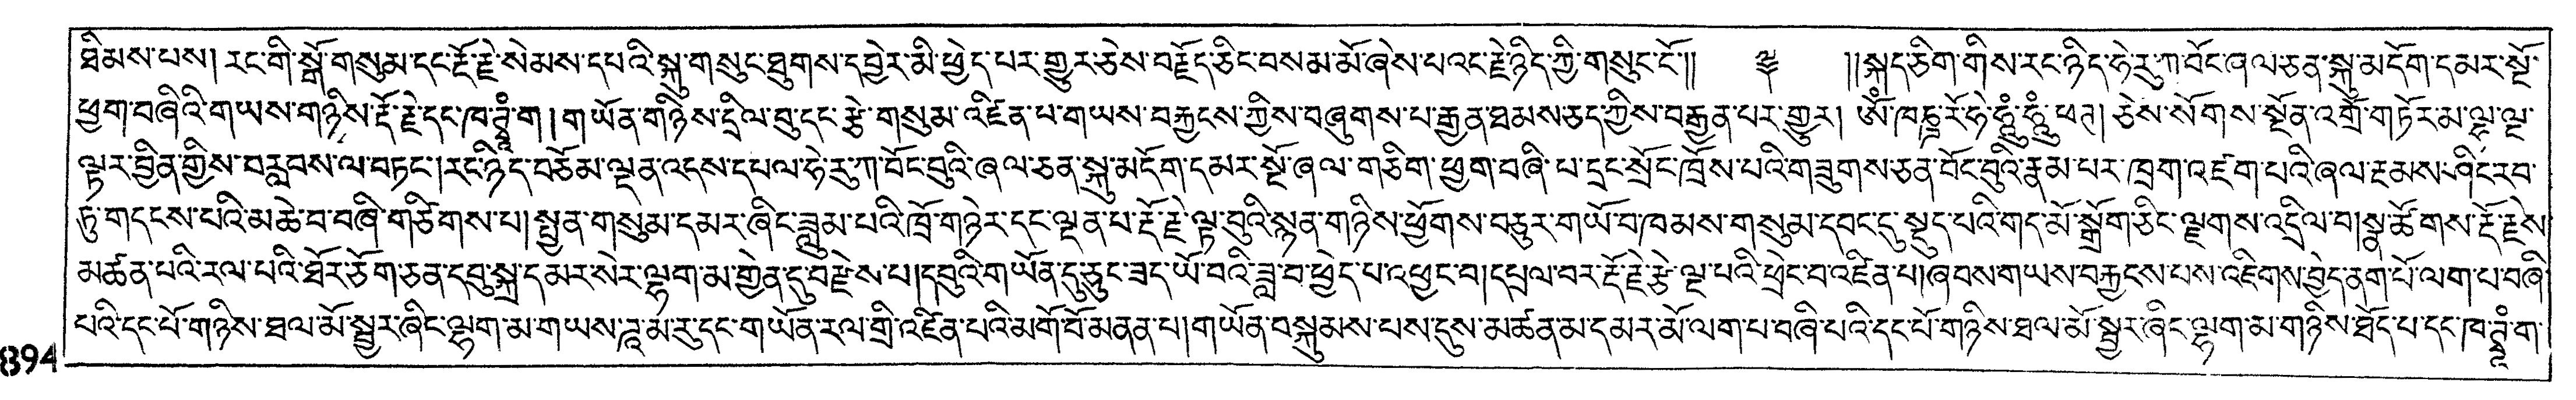ཐིམས་པས། རང་གི་སྒོ་གསུམ་དང་རྡོ་རྗེ་སེམས་དཔའི་སྐུ་གསུང་ཐུགས་དབྱེར་མི་ཕྱེད་པར་གྱུར་ཅེས་བརྗོད་ཅིང་བསམ་མོ་ཞེས་པའང་རྗེ་ཉིད་ཀྱི་གསུང་ངོ།། ༈ །།སྐད་ཅིག་གིས་རང་ཉིད་ཧེ་རུ་ཀ་བོང་ཞལ་ཅན་སྐུ་མདོག་དམར་སྔོ་
ཕྱག་བཞིའི་གཡས་གཉིས་རྡོ་རྗེ་དང་ཁ་ཊྭཱཾ་ག །གཡོན་གཉིས་དྲིལ་བུ་དང་རྩེ་གསུམ་འཛིན་པ་གཡས་བརྐྱངས་ཀྱིས་བཞུགས་པ་རྒྱན་ཐམས་ཅད་ཀྱིས་བརྒྱན་པར་གྱུར། ཨོཾ་ཁཎྜ་རོ་ཧེ་ཧཱུཾ་ཧཱུཾ་ཕཊ། ཅེས་སོགས་སྔོན་འགྲོ་གཏོར་མ་ལྷ་ལྔ་
ལྟར་བྱིན་གྱིས་བརླབས་ལ་བཏང་། རང་ཉིད་བཅོམ་ལྡན་འདས་དཔལ་ཧེ་རུ་ཀ་བོང་བུའི་ཞལ་ཅན་སྐུ་མདོག་དམར་སྔོ་ཞལ་གཅིག་ཕྱག་བཞི་པ་དྲང་སྲོང་ཁྲོས་པའི་གཟུགས་ཅན་བོང་བུའི་རྣམ་པར་ཁྲག་འཛག་པའི་ཞལ་རྔམས་ཤིང་རབ་
ཏུ་གདངས་པའི་མཆེ་བ་བཞི་གཙིགས་པ། སྤྱན་གསུམ་དམར་ཞིང་ཟླུམ་པའི་ཁྲོ་གཉེར་དང་ལྡན་པ་རྡོ་རྗེ་ལྟ་བུའི་སྙན་གཉིས་ཕྱོགས་བཅུར་གཡོ་བ་ཁམས་གསུམ་དབང་དུ་སྡུད་པའི་གད་མོ་སྒྲོག་ཅིང་ལྗགས་འདྲིལ་བ། སྣ་ཚོགས་རྡོ་རྗེས་
མཚན་པའི་རལ་པའི་ཐོར་ཅོག་ཅན་དབུ་སྐྲ་དམར་སེར་ལྷག་མ་གྱེན་དུ་བརྫེས་པ། དབུའི་གཡོན་དུ་ཅུང་ཟད་ཡོ་བའི་ཟླ་བ་ཕྱེད་པ་འཕྱང་བ། དཔྲལ་བར་རྡོ་རྗེ་རྩེ་ལྔ་པའི་ཕྲེང་བ་འཛིན་པ། ཞབས་གཡས་བརྐྱངས་པས་འཇིགས་བྱེད་ནག་པོ་ལག་པ་བཞི་
པའི་དང་པོ་གཉིས་ཐལ་མོ་སྦྱར་ཞིང་ལྷག་མ་གཡས་ཌཱ་མ་རུ་དང་གཡོན་རལ་གྲི་འཛིན་པའི་མགོ་བོ་མནན་པ། གཡོན་བསྐུམས་པས་དུས་མཚན་མ་དམར་མོ་ལག་པ་བཞི་པའི་དང་པོ་གཉིས་ཐལ་མོ་སྦྱར་ཞིང་ལྷག་མ་གཉིས་ཐོད་པ་དང་ཁ་ཊྭཱཾ་ག་